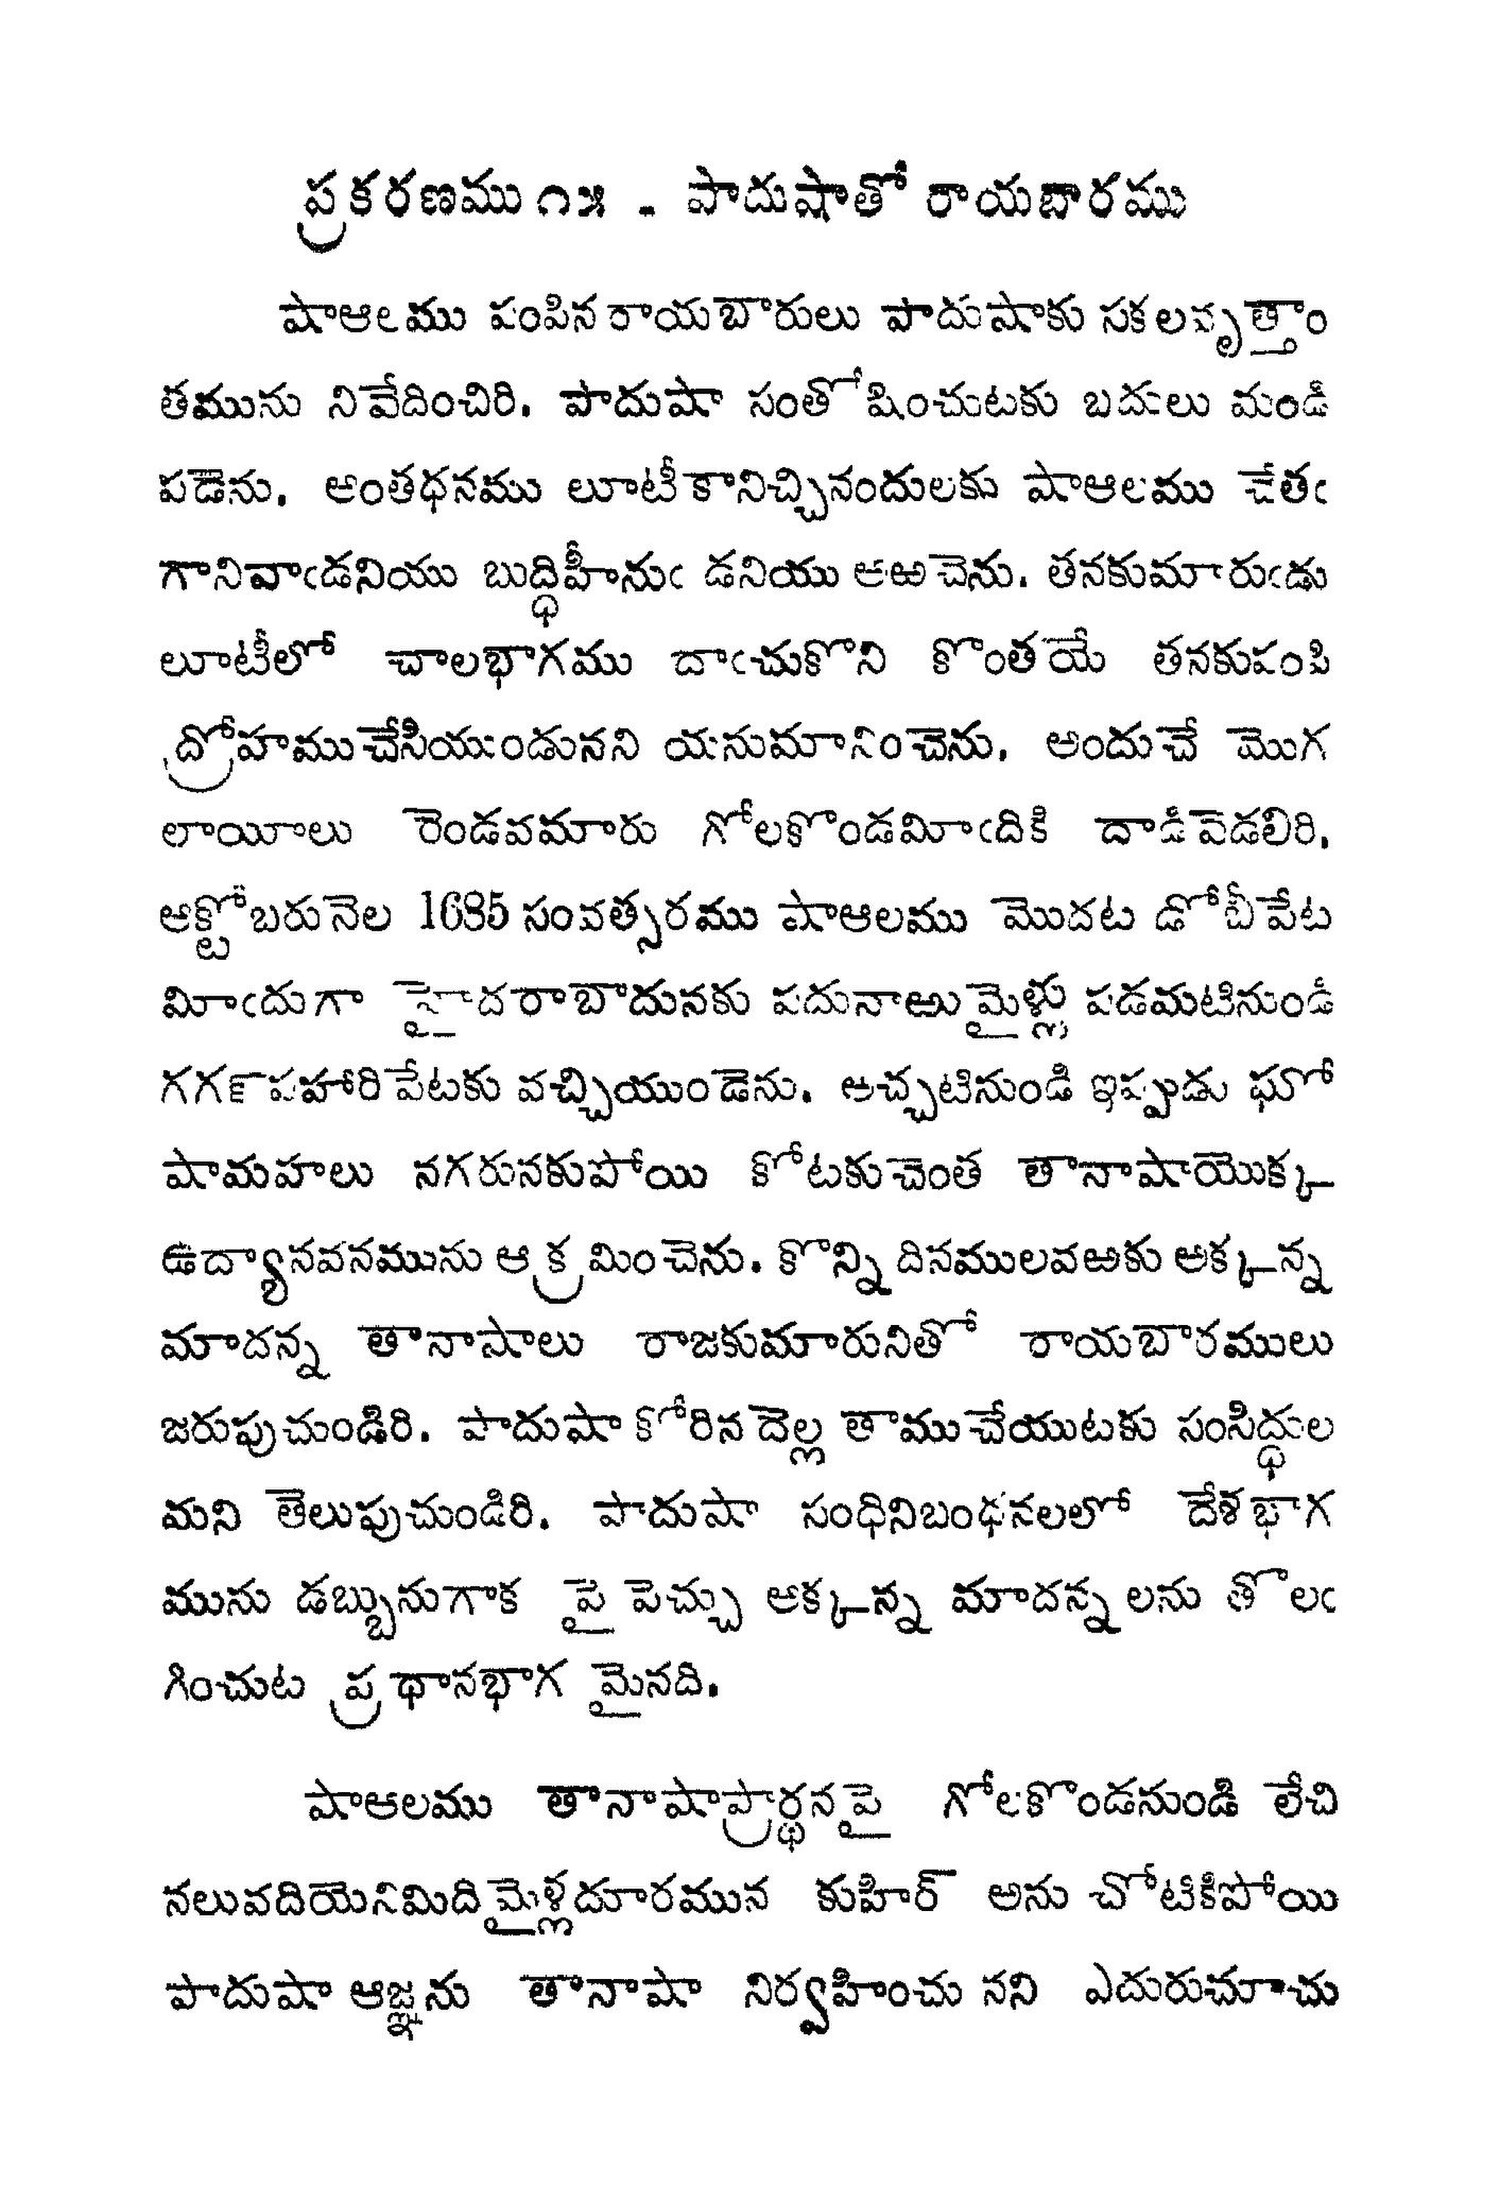ప్రకరణము ౧౫ - పాదుషాతో రాయబారము

షాఆలము పంపిన రాయబారులు పాదుషాకు సకలవృత్తాంతమును నివేదించిరి. పాదుషా సంతోషించుటకు బదులు మండి పడెను. అంతధనము లూటీ కానిచ్చినందులకు షాఆలము చేతఁ గానివాఁడనియు బుద్ధిహీనుఁ డనియు అఱచెను. తనకుమారుఁడు లూటీలో చాలభాగము దాఁచుకొని కొంతయే తనకుపంపి ద్రోహముచేసియుండునని యనుమానించెను. అందుచే మొగలాయీలు రెండవమారు గోలకొండమీఁదికి దాడివెడలిరి. అక్టోబరునెల 1685 సంవత్సరము షాఆలము మొదట డోబీపేట మీఁదుగా హైదరాబాదునకు పదునాఱుమైళ్లు పడమటినుండి గగౝపహారి పేటకు వచ్చియుండెను. అచ్చటినుండి ఇప్పడు ఘోషామహలు నగరునకుపోయి కోటకుచెంత తానాషాయొక్క ఉద్యానవనమును ఆక్రమించెను. కొన్ని దినములవఱకు అక్కన్న మాదన్న తానాషాలు రాజకుమారునితో రాయబారములు జరుపుచుండిరి. పాదుషా కోరినదెల్ల తాముచేయుటకు సంసిద్ధుల మని తెలుపుచుండిరి. పాదుషా సంధినిబంధనలలో దేశభాగమును డబ్బునుగాక పైపెచ్చు అక్కన్న మాదన్నలను తొలఁగించుట ప్రధానభాగ మైనది.

షాఆలము తానాషాప్రార్థనపై గోలకొండనుండి లేచి నలువదియెనిమిదిమైళ్లదూరమున కుహిర్ అను చోటికిపోయి పాదుషా ఆజ్ఞను తానాషా నిర్వహించు నని ఎదురుచూచు